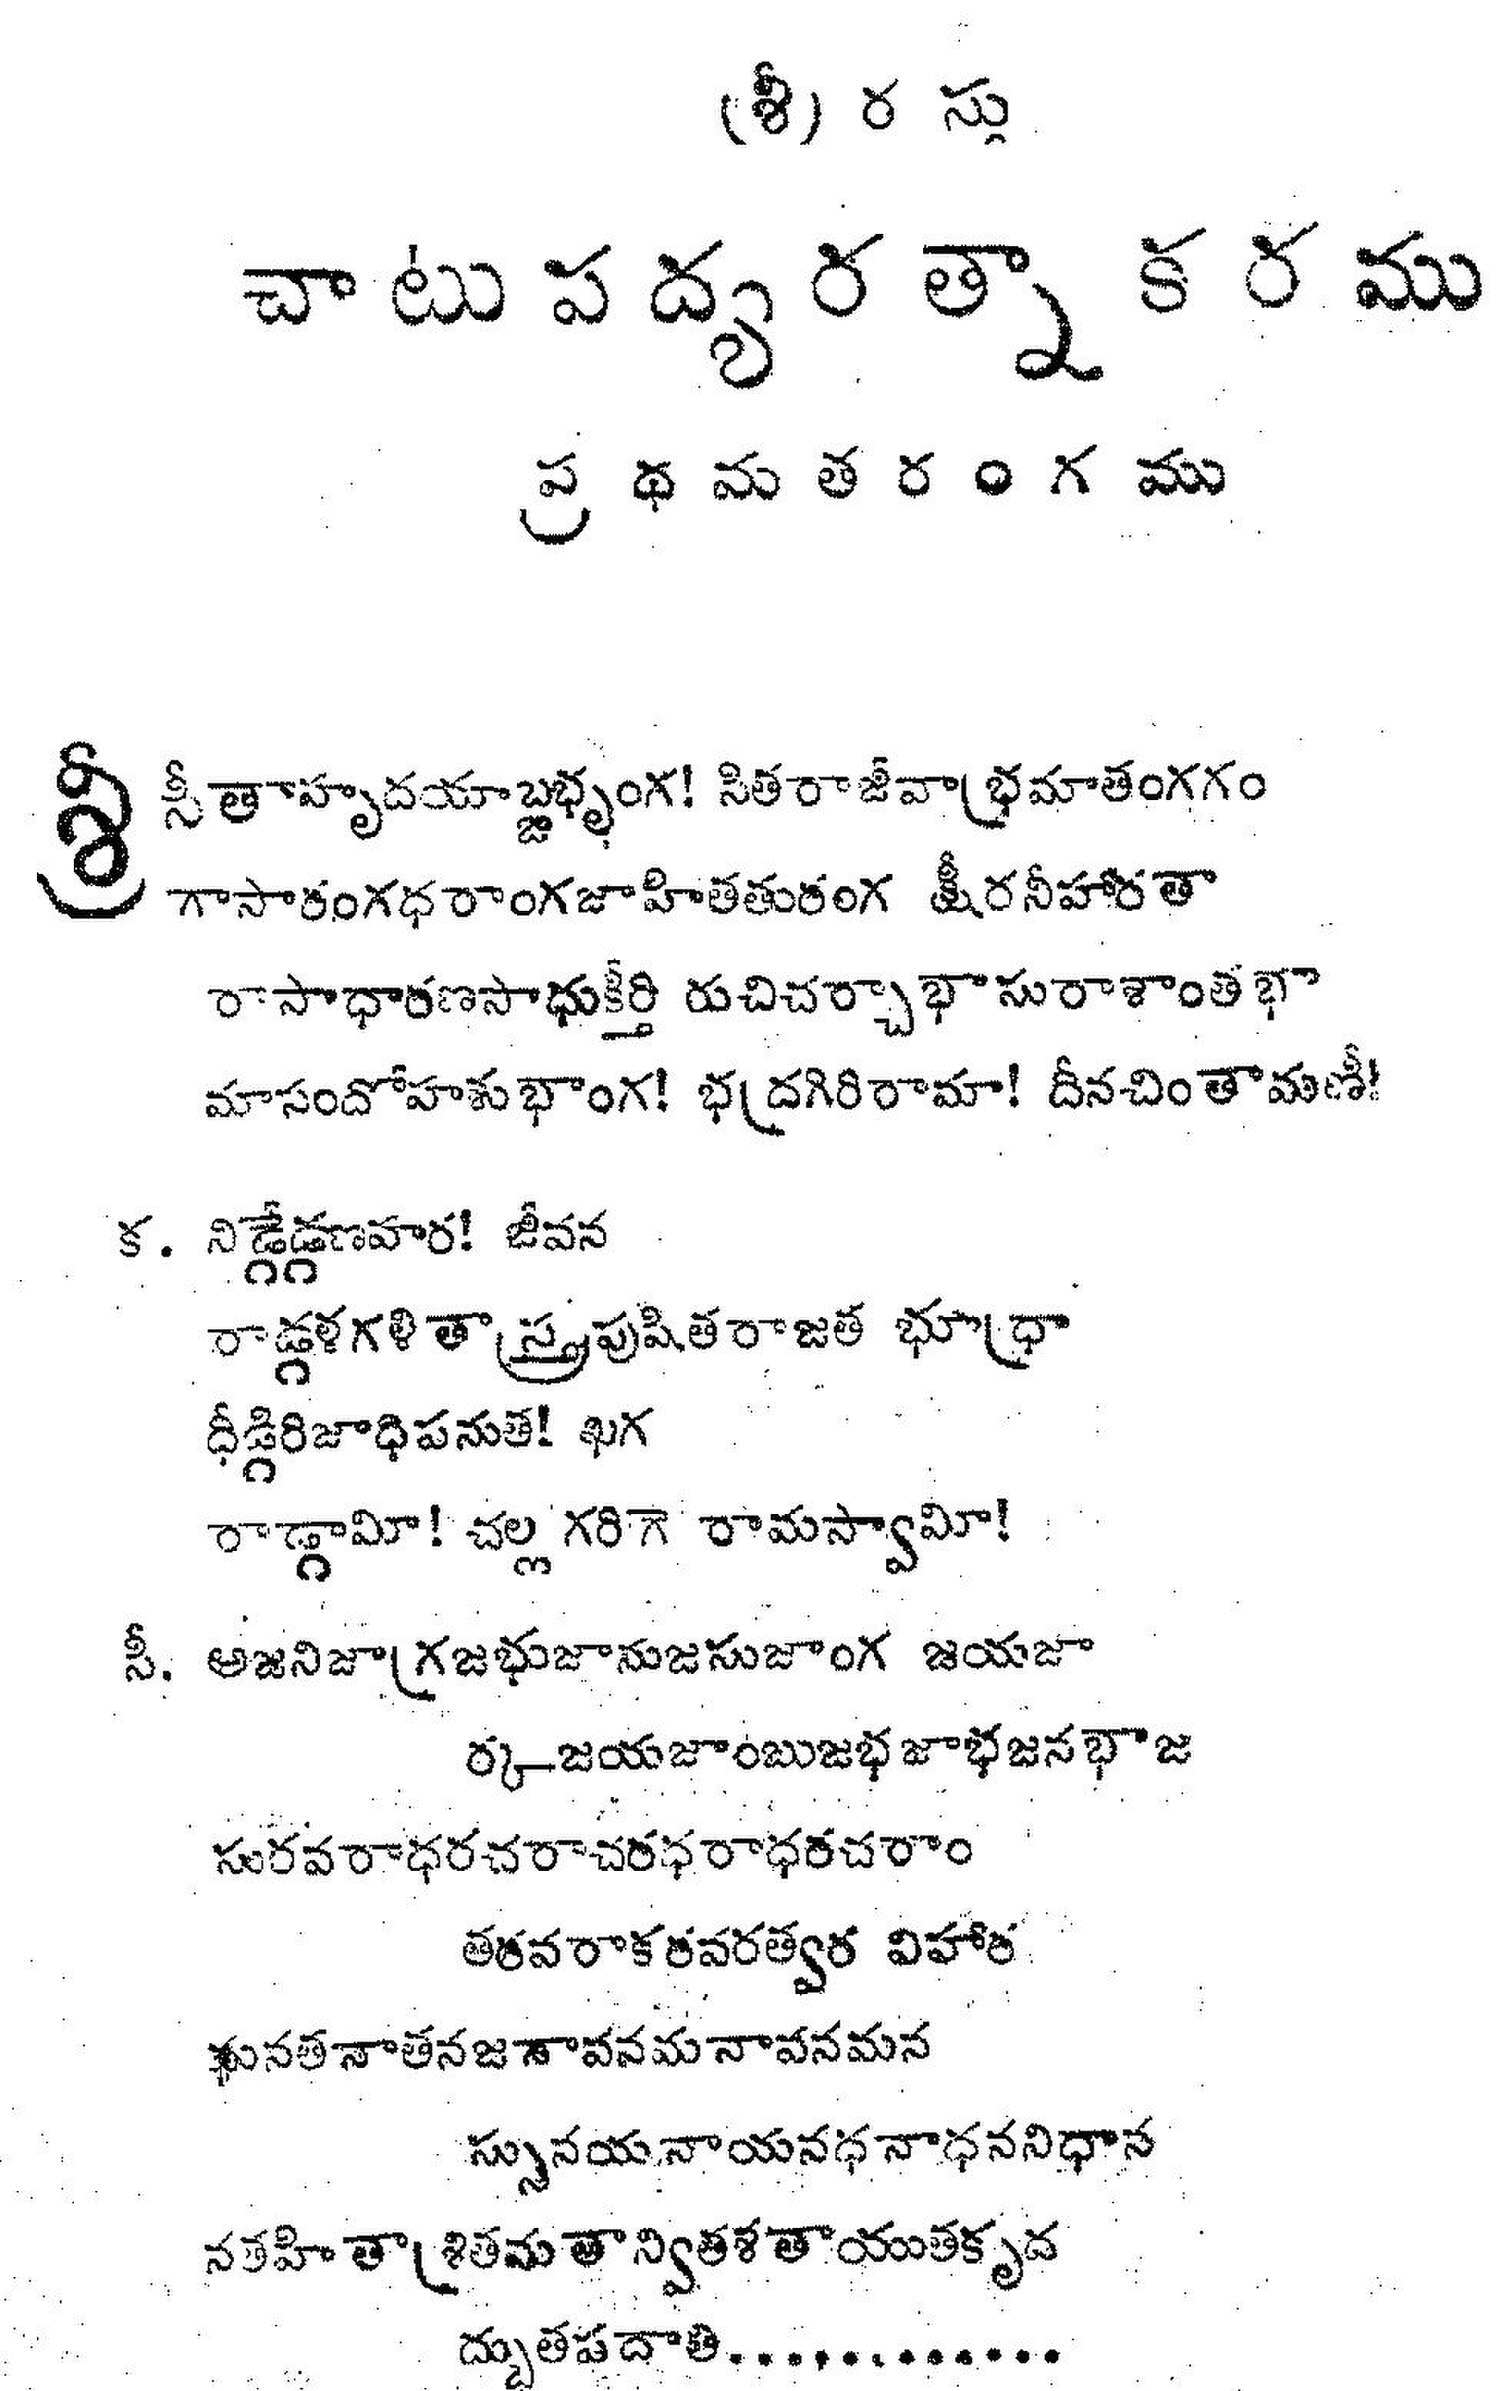చాటుపద్యరత్నాకరము

శా. శ్రీసీతాహృదయాబ్జభృంగ! సితరాజీవాభ్రమాతంగగం
 గాసారంగధరాంగజాహితతురంగ క్షీరనీహారతా
 రాసాధారణసాధుకీర్తి రుచిచర్చాభాసురాశాంతభా
 మాసందోహశుభాంగ! భద్రగిరిరామా! దీనచింతామణీ!

క. నిడ్గేడ్గణహర! జీవన
 రాడ్గళగళితాస్త్రపుషితరాజత భూధ్రా
 ధీడ్గిరిజాధిపనుత! ఖగ
 రాడ్గామీ! చల్లగరిగె రామస్వామీ!

సీ. అజనిజాగ్రజభుజానుజసుజాంగ జయజా
 ర్కజయజాంబుజభజాభజనభాజ
 సురవరాధరచరాచరధరాధరచరాం
 తరవరాకరవరత్వర విహార
 ఘనతనాతనజనావనమనావనమన
 స్సునయనాయనధనాధననిధాన
 నతహితాశ్రితనుతాన్వితశతాయుతకృద
 ద్బుతపదాతి..........................